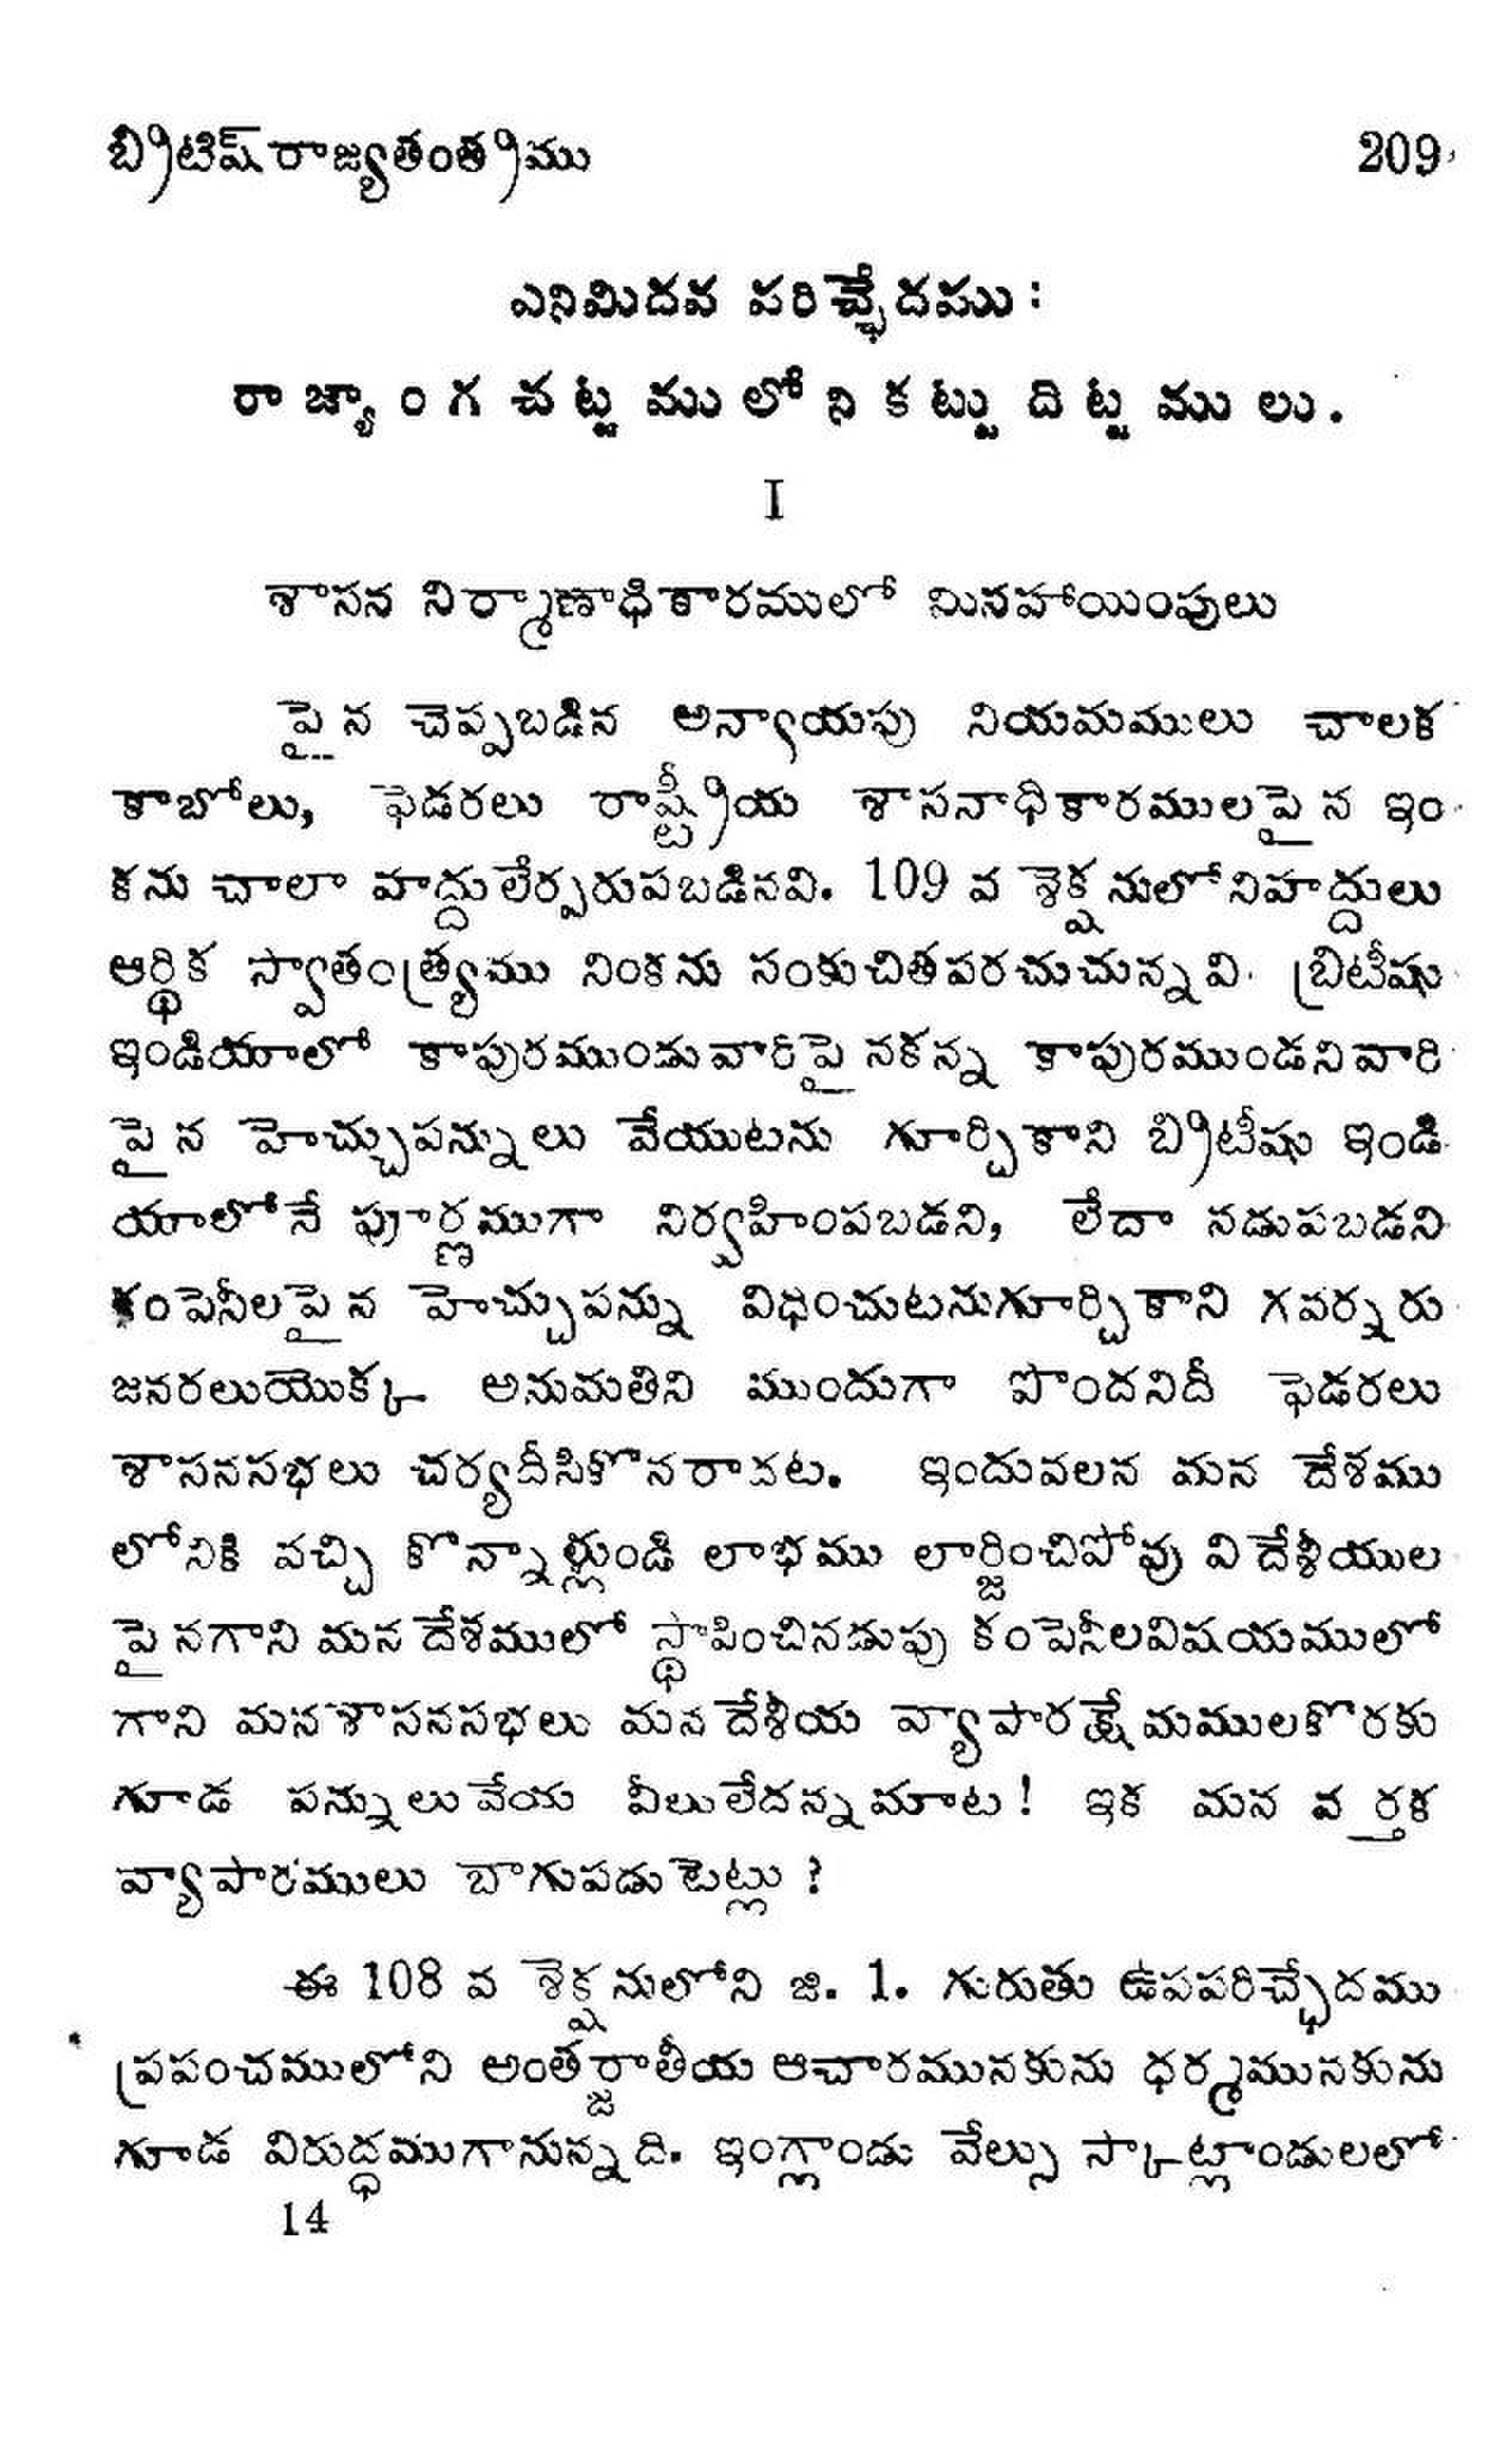ఎనిమిదవ పరిచ్చేదము: 
రాజ్యాంగ చట్టములోని కట్టు దిట్టములు.
I
శాసన నిర్మాణాధికారములో మినహాయింపులు

పైన చెప్పబడిన అన్యాయపు నియమములు చాలక కాబోలు, ఫెడరలు రాష్ట్రీయ శాసనాధికారములపైన ఇంకను చాలా హద్దులేర్పరుపబడినవి. 109 వ శెక్షనులోనిహద్దులు ఆర్థిక స్వాతంత్ర్యము నింకను సంకుచితపరచుచున్నవి. బ్రిటీషు ఇండియాలో కాపురముండువారిపైనకన్న కాపురముండనివారిపైన హెచ్చుపన్నులు వేయుటను గూర్చికాని బ్రిటీషు ఇండియాలోనే పూర్ణముగా నిర్వహింపబడని, లేదా నడుపబడని కంపెనీలపైన హెచ్చుపన్ను విధించుటనుగూర్చికాని గవర్నరు జనరలుయొక్క అనుమతిని ముందుగా పొందనిదీ ఫెడరలు శాసనసభలు చర్యదీసికొనరాదట. ఇందువలన మన దేశములోనికి వచ్చి కొన్నాళ్లుండి లాభము లార్జించిపోవు విదేశీయుల పైనగాని మనదేశములో స్థాపించినడుపు కంపెనీలవిషయములో గాని మనశాసనసభలు మనదేశీయ వ్యాపారక్షేమములకొరకు గూడ పన్నులువేయ వీలులేదన్న మాట! ఇక మన వర్తక వ్యాపారములు బాగుపడుటెట్లు?

ఈ 108 వ శెక్షనులోని జి. 1. గురుతు ఉపపరిచ్చేదము ప్రపంచములోని అంతర్జాతీయ ఆచారమునకును ధర్మమునకును గూడ విరుద్ధముగానున్నది. ఇంగ్లాండు వేల్సు స్కాట్లాండులలో